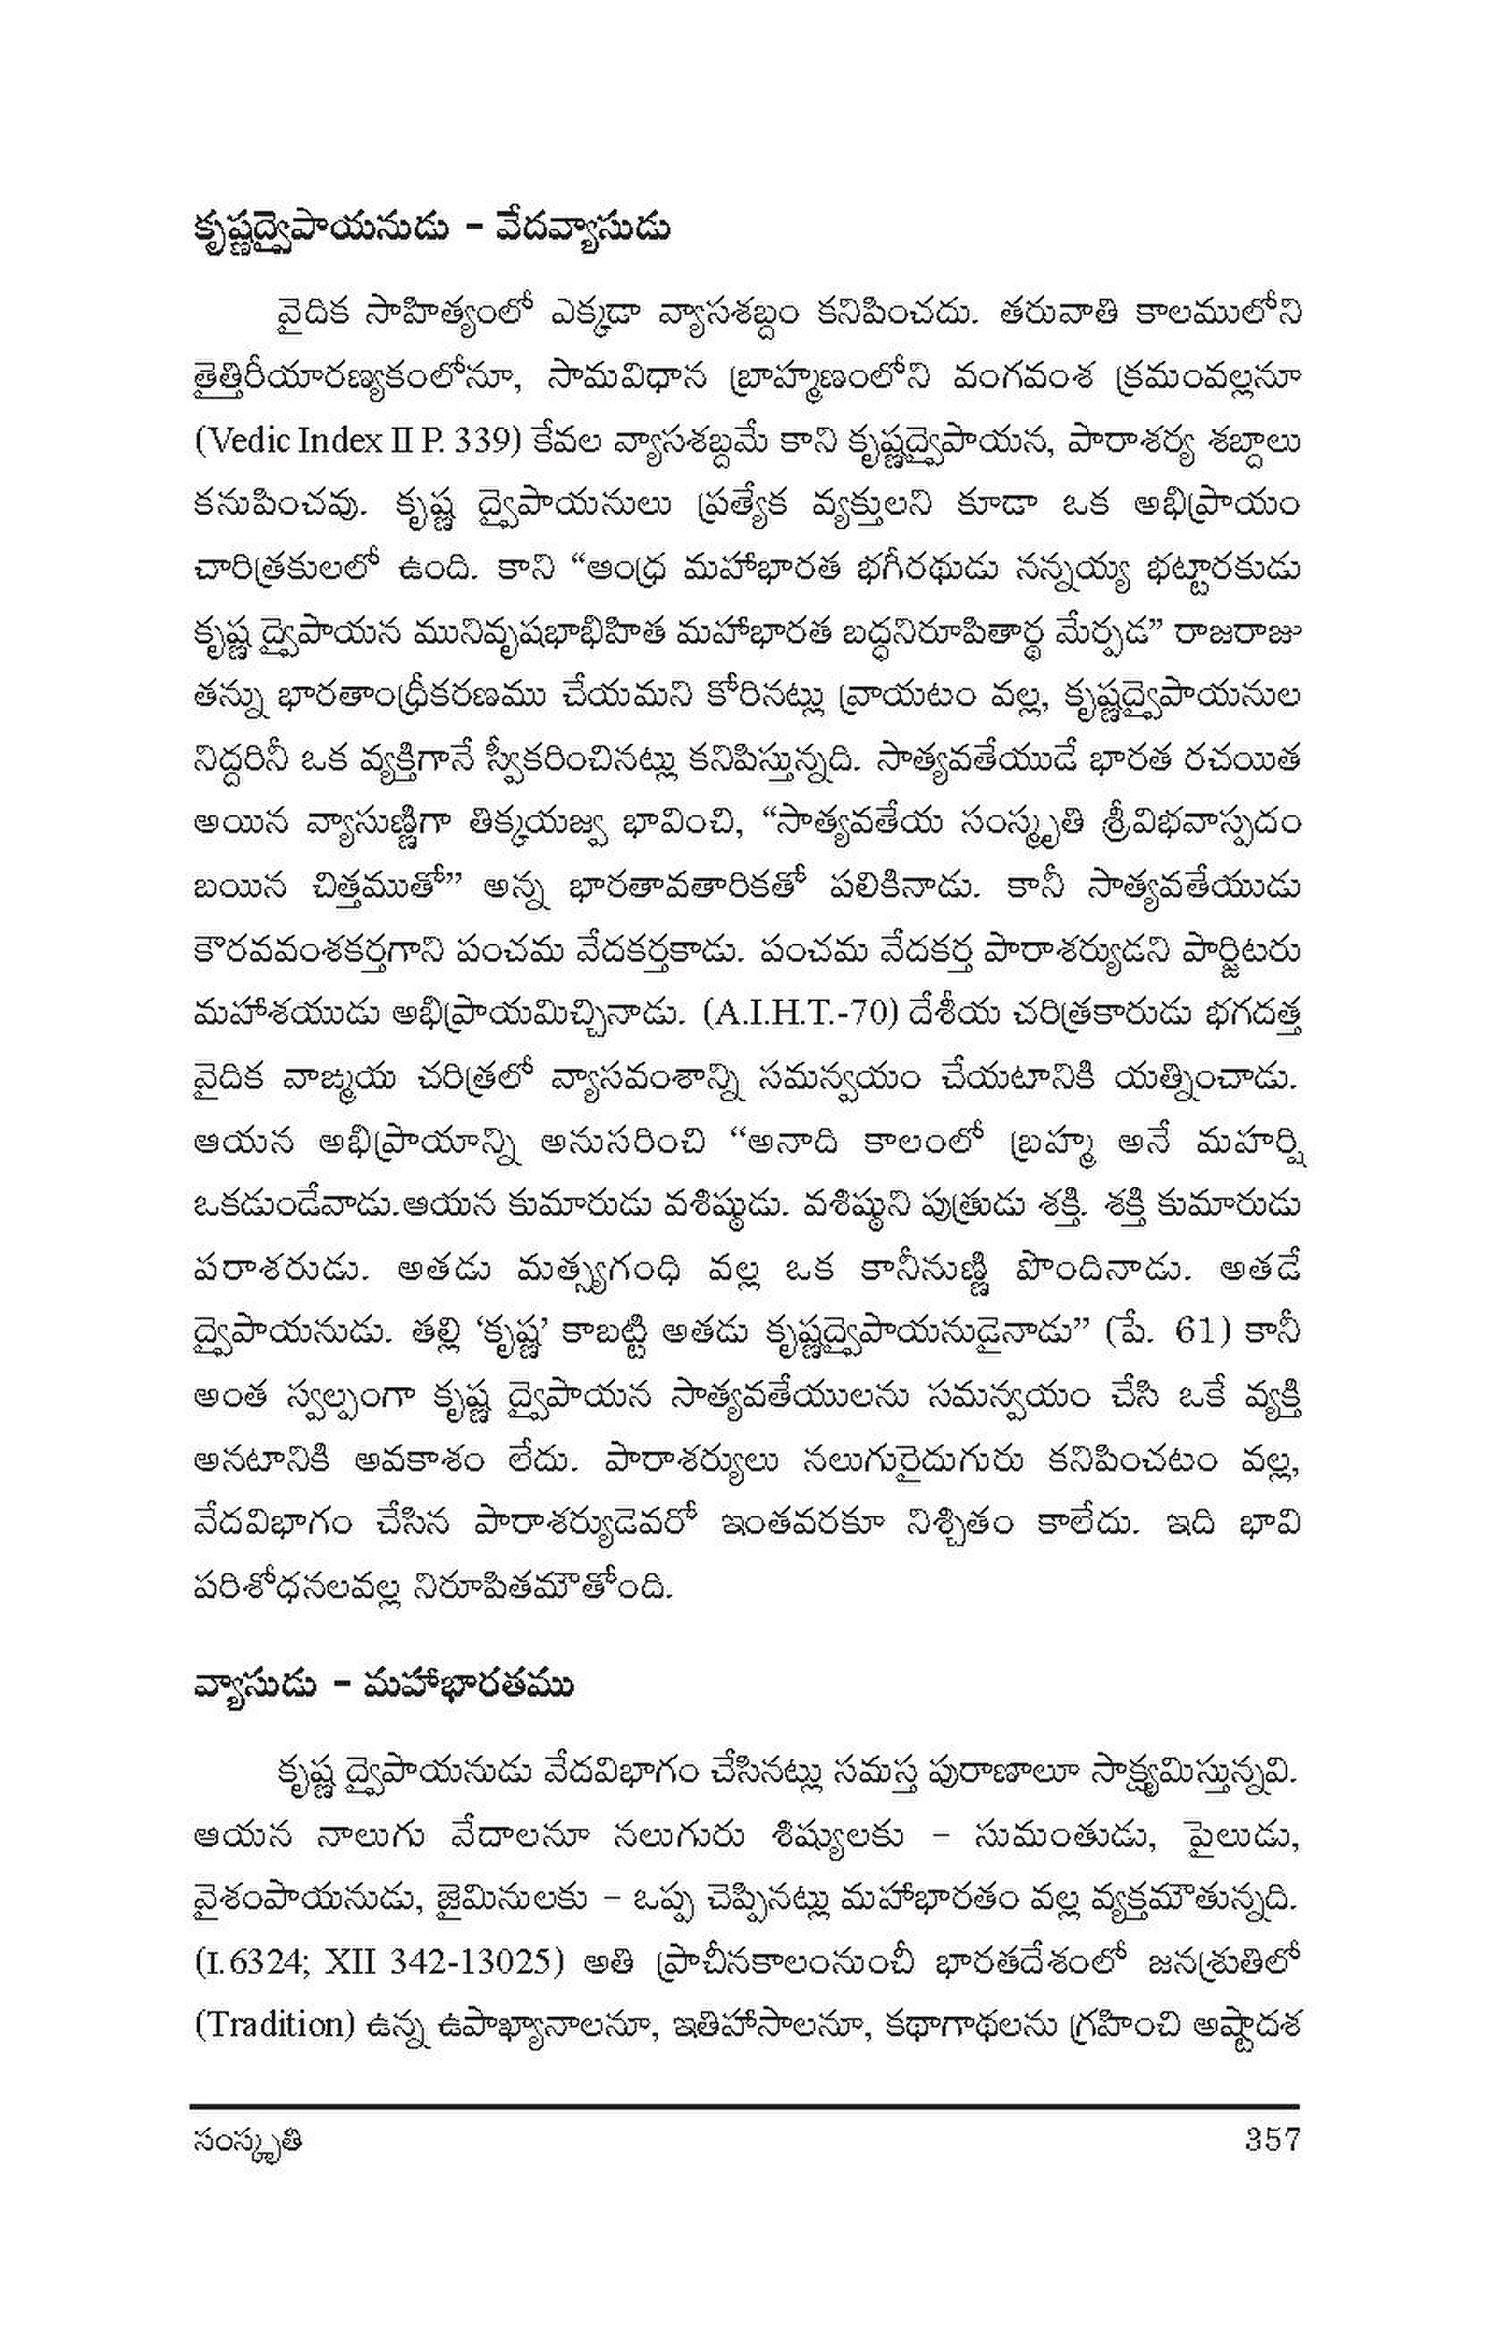కృష్ణద్వైపాయనుడు - వేదవ్యాసుడు

వైదిక సాహిత్యంలో ఎక్కడా వ్యాసశబ్దం కనిపించదు. తరువాతి కాలములోని
తైత్తిరీయారణ్యకంలోనూ, సామవిధాన బ్రాహ్మణంలోని వంగవంశ క్రమంవల్లనూ
(Vedic Index II P. 339) కేవల వ్యాసశబ్దమే కాని కృష్ణద్వైపాయన, పారాశర్య శబ్దాలు
కనుపించవు. కృష్ణ ద్వైపాయనులు ప్రత్యేక వ్యక్తులని కూడా ఒక అభిప్రాయం
చారిత్రకులలో ఉంది. కాని “ఆంధ్ర మహాభారత భగీరథుడు నన్నయ్య భట్టారకుడు
కృష్ణ ద్వైపాయన మునివృషభాభిహిత మహాభారత బద్ధనిరూపితార్థ మేర్పడ" రాజరాజు
తన్ను భారతాంధ్రీకరణము చేయమని కోరినట్లు వ్రాయటం వల్ల, కృష్ణద్వైపాయనుల
నిద్దరినీ ఒక వ్యక్తిగానే స్వీకరించినట్లు కనిపిస్తున్నది. సాత్యవతేయుడే భారత రచయిత
అయిన వ్యాసుణ్ణిగా తిక్కయజ్వ భావించి, "సాత్యవతేయ సంస్కృతి శ్రీవిభవాస్పదం
బయిన చిత్తముతో” అన్న భారతావతారికతో పలికినాడు. కానీ సాత్యవతేయుడు
కౌరవవంశకర్తగాని పంచమ వేదకర్తకాడు. పంచమ వేదకర్త పారాశర్యుడని పార్జిటరు
మహాశయుడు అభిప్రాయమిచ్చినాడు. (A.I.H.T.-70) దేశీయ చరిత్రకారుడు భగదత్త
వైదిక వాఙ్మయ చరిత్రలో వ్యాసవంశాన్ని సమన్వయం చేయటానికి యత్నించాడు.
ఆయన అభిప్రాయాన్ని అనుసరించి "అనాది కాలంలో బ్రహ్మ అనే మహర్షి
ఒకడుండేవాడు. ఆయన కుమారుడు వశిష్ఠుడు. వశిష్ఠుని పుత్రుడు శక్తి. శక్తి కుమారుడు
పరాశరుడు. అతడు మత్స్యగంధి వల్ల ఒక కానీనుణ్ణి పొందినాడు. అతడే
ద్వైపాయనుడు. తల్లి 'కృష్ణ' కాబట్టి అతడు కృష్ణద్వైపాయనుడైనాడు" (పే. 61) కానీ
అంత స్వల్పంగా కృష్ణ ద్వైపాయన సాత్యవతేయులను సమన్వయం చేసి ఒకే వ్యక్తి
అనటానికి అవకాశం లేదు. పారాశర్యులు నలుగురైదుగురు కనిపించటం వల్ల,
వేదవిభాగం చేసిన పారాశర్యుడెవరో ఇంతవరకూ నిశ్చితం కాలేదు. ఇది భావి
పరిశోధనలవల్ల నిరూపితమౌతోంది.

వ్యాసుడు - మహాభారతము

కృష్ణ ద్వైపాయనుడు వేదవిభాగం చేసినట్లు సమస్త పురాణాలూ సాక్ష్యమిస్తున్నవి.
ఆయన నాలుగు వేదాలనూ నలుగురు శిష్యులకు - సుమంతుడు, పైలుడు,
వైశంపాయనుడు, జైమినులకు - ఒప్ప చెప్పినట్లు మహాభారతం వల్ల వ్యక్తమౌతున్నది.
(1.6324; XII 342-13025) అతి ప్రాచీనకాలంనుంచీ భారతదేశంలో జనశ్రుతిలో
(Tradition) ఉన్న ఉపాఖ్యానాలనూ, ఇతిహాసాలనూ, కథాగాథలను గ్రహించి అష్టాదశ